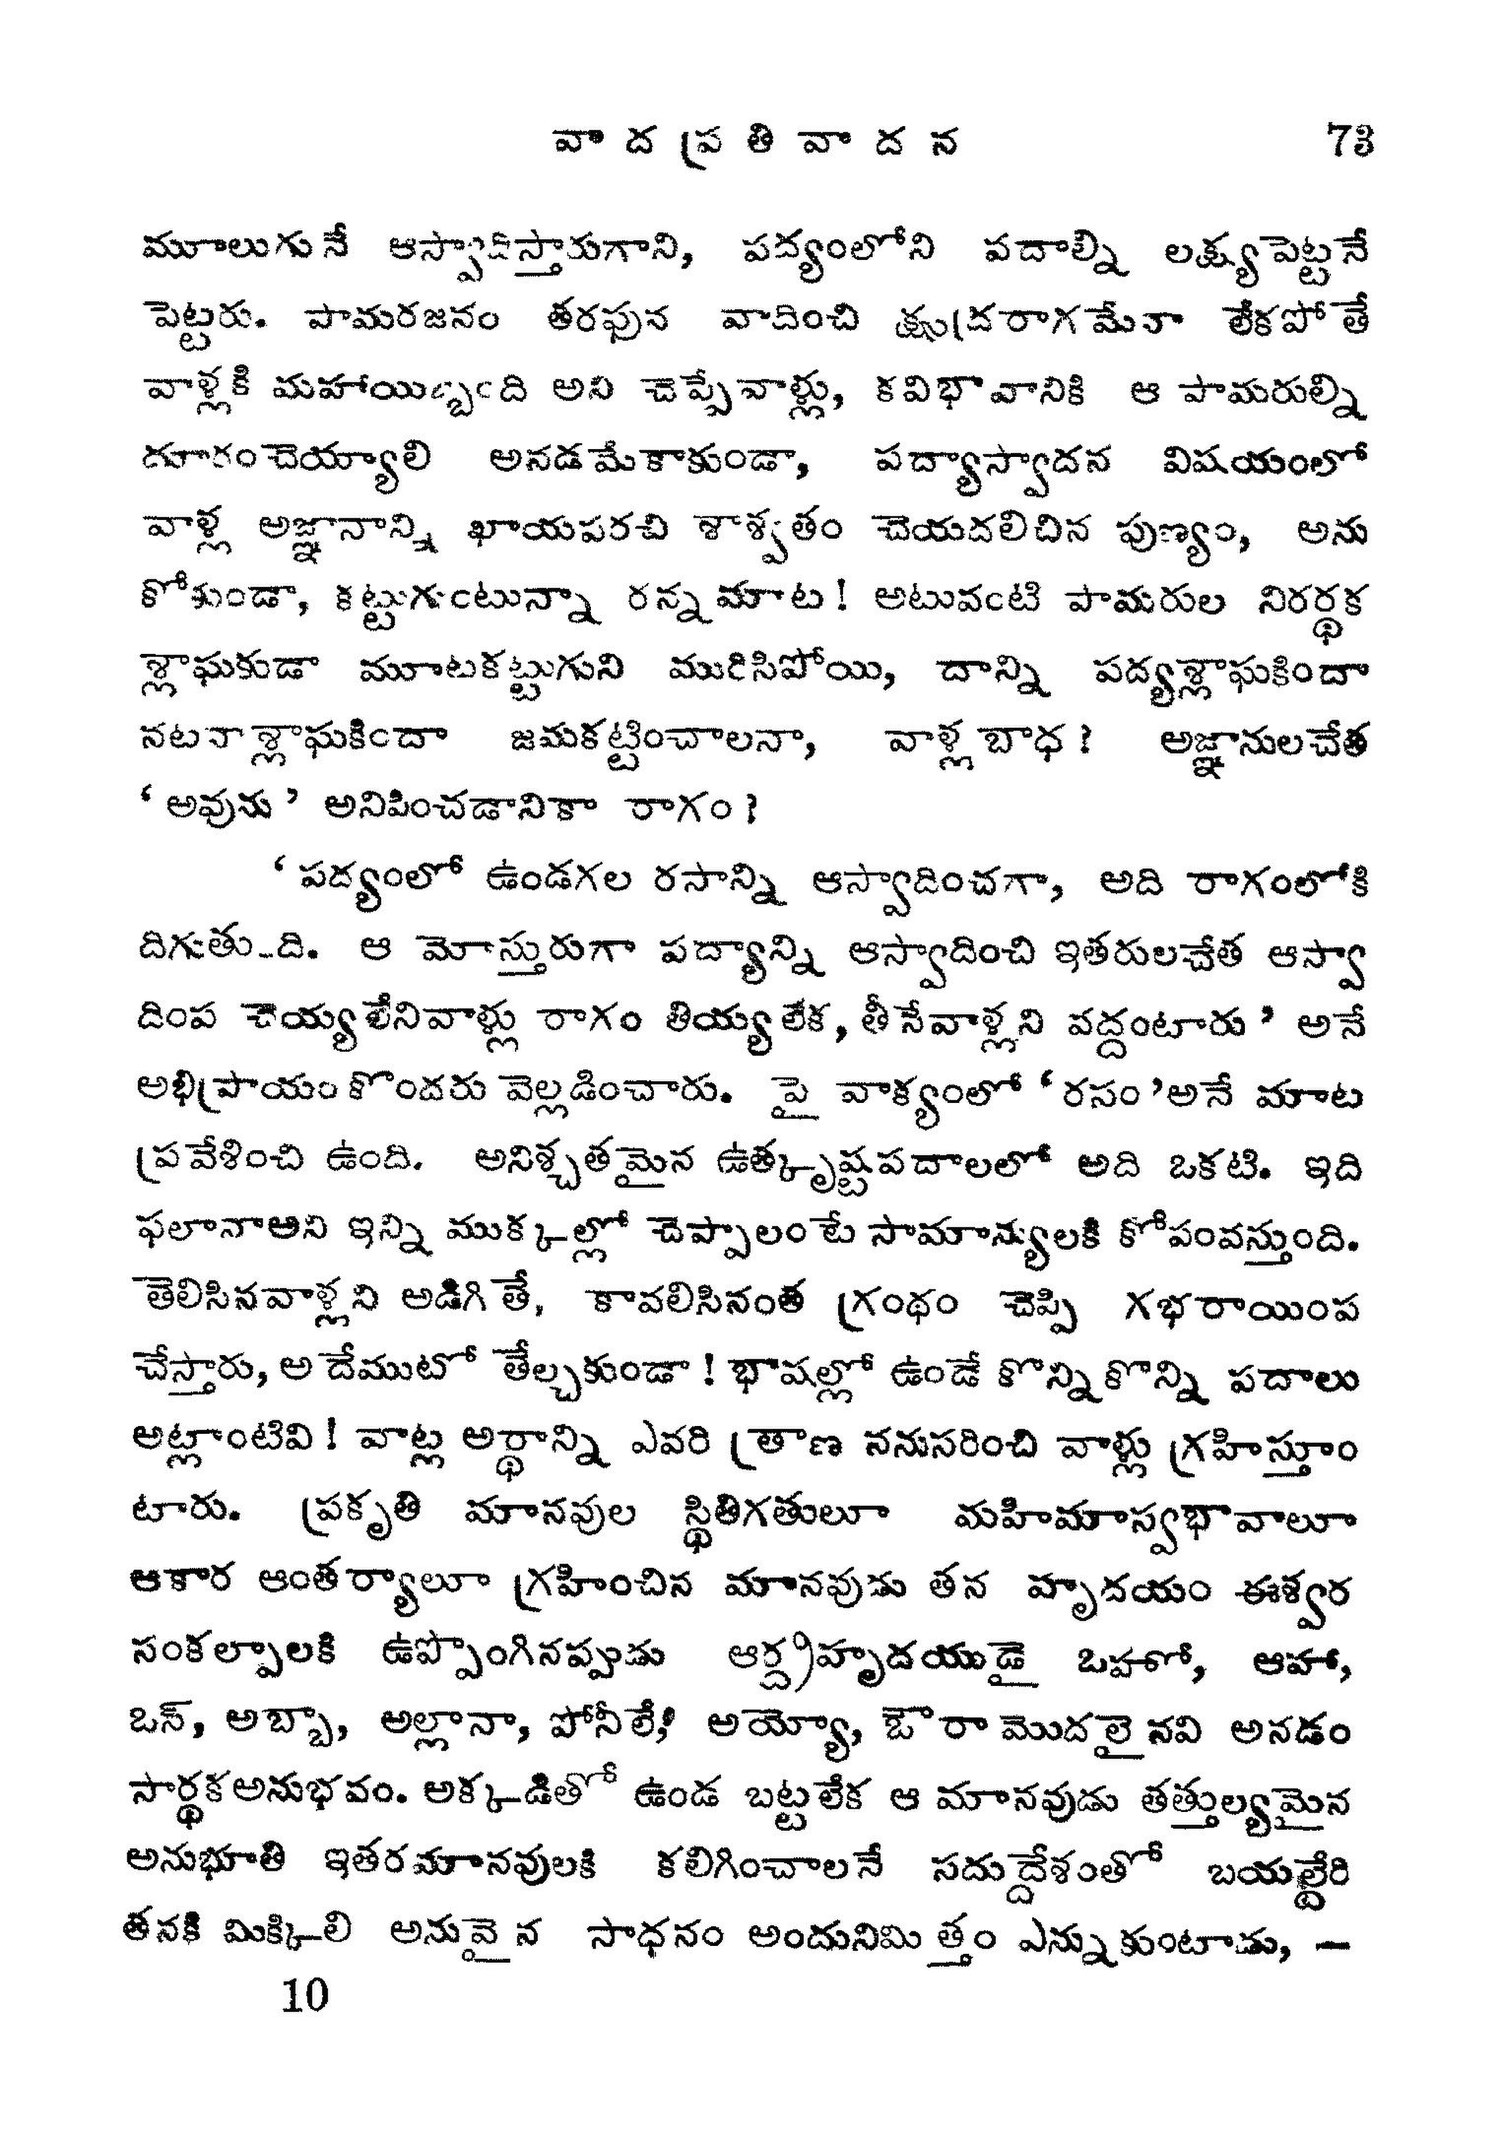మూలుగునే ఆస్వాదిస్తారుగాని, పద్యంలోని పదాల్ని లక్ష్యపెట్టనే
పెట్టరు. పామరజనం తరఫున వాదించి క్షుద్రరాగమేనా లేకపోతే
వాళ్లకి మహాయిబ్బంది అని చెప్పేవాళ్లు, కవిభావానికి ఆ పామరుల్ని
దూరంచెయ్యాలి అనడమేకాకుండా, పద్యాస్వాదన విషయంలో
వాళ్ల అజ్ఞానాన్ని ఖాయపరచి శాశ్వతం చేయదలిచిన పుణ్యం, అను
కోకుండా, కట్టుగుంటున్నా రన్నమాట! అటువంటి పామరుల నిరర్థక
శ్లాఘకుడా మూటకట్టుగుని మురిసిపోయి, దాన్ని పద్యశ్లాఘకిందా
నటనాశ్లాఘకిందా జమకట్టించాలనా, వాళ్లబాధ ! అజ్ఞానులచేత
'అవును' అనిపించడానికా రాగం ?

'పద్యంలో ఉండగల రసాన్ని ఆస్వాదించగా, అది రాగంలోకి
దిగుతంది. ఆ మోస్తురుగా పద్యాన్ని ఆస్వాదించి ఇతరులచేత ఆస్వా
దింప చెయ్యలేనివాళ్లు రాగం తియ్యలేక, తీసేవాళ్లని వద్దంటారు' అనే
అభిప్రాయం కొందరు వెల్లడించారు. పై వాక్యంలో 'రసం' అనే మాట
ప్రవేశించి ఉంది. అనిశ్చతమైన ఉత్కృష్టపదాలలో అది ఒకటి. ఇది
ఫలానాఅని ఇన్ని ముక్కల్లో చెప్పాలంటే సామాన్యులకి కోపంవస్తుంది.
తెలిసినవాళ్లని అడిగితే, కావలిసినంత గ్రంథం చెప్పి గభరాయింప
చేస్తారు, అదేముటో తేల్చకుండా ! భాషల్లో ఉండే కొన్ని కొన్ని పదాలు
అట్లాంటివి ! వాట్ల అర్థాన్ని ఎవరి త్రాణ ననుసరించి వాళ్లు గ్రహిస్తూం
టారు. ప్రకృతి మానవుల స్థితిగతులూ మహిమాస్వభావాలూ
ఆకార ఆంతర్యాలూ గ్రహించిన మానవుడు తన హృదయం ఈశ్వర
సంకల్పాలకి ఉప్పొంగినప్పుడు ఆర్ద్రహృదయుడై ఒహో, ఆహా,
ఒస్, అబ్బా, అల్లానా, పోనీలే, అయ్యో, ఔరా మొదలైనవి అనడం
సార్థకఅనుభవం. అక్కడితో ఉండ బట్టలేక ఆ మానవుడు తత్తుల్యమైన
అనుభూతి ఇతరమానవులకి కలిగించాలనే సదుద్దేశంతో బయల్దేరి
తనకి మిక్కిలి అనువైన సాధనం అందునిమిత్తం ఎన్నుకుంటాడు, -